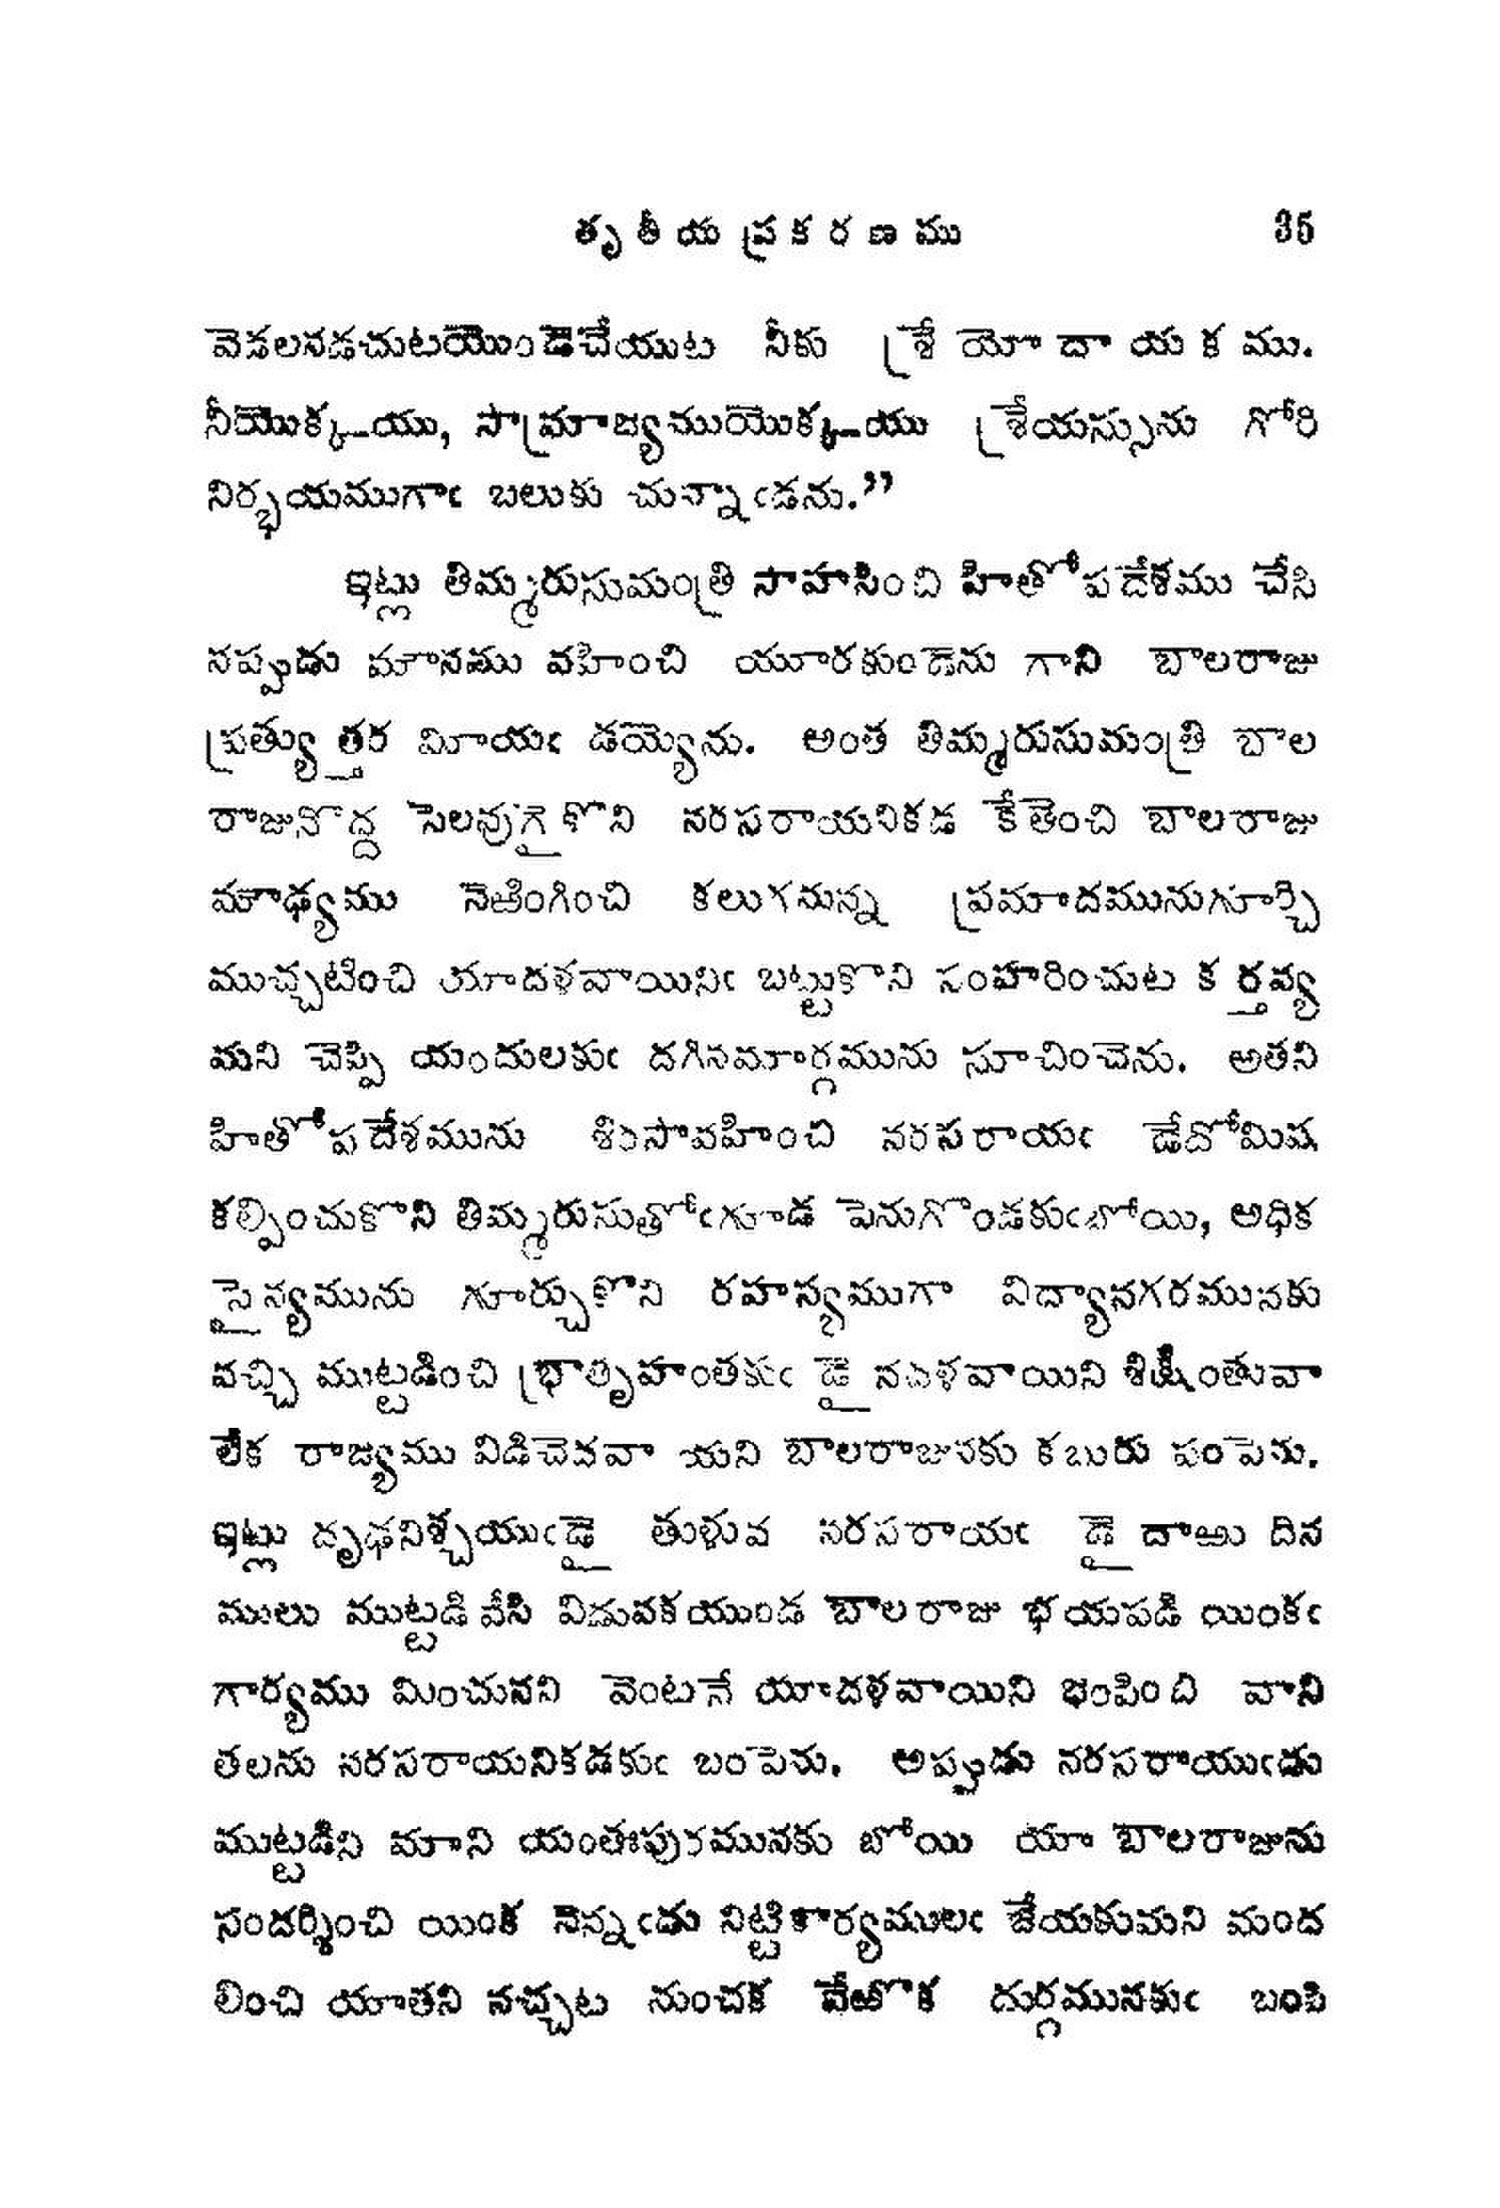వెడలనడచుటయొండెచేయుట నీకు శ్రేయోదాయకము. నీయొక్కయు, సామ్రాజ్యముయొక్కయు శ్రేయస్సును గోరి నిర్భయముగాఁ బలుకు చున్నాఁడను.”

ఇట్లు తిమ్మరుసుమంత్రి సాహసించి హితోపదేశము చేసిసప్పుడు మౌనము వహించి యూరకుండెను గాని బాలరాజు ప్రత్యుత్తర మీయఁ డయ్యెను. అంత తిమ్మరుసుమంత్రి బాలరాజునొద్ద సెలవుగైకొని సరసరాయనికడ కేతెంచి బాలరాజు మౌఢ్యము నెఱింగించి కలుగనున్న ప్రమాదమునుగూర్చి ముచ్చటించి యాదళవాయినిఁ బట్టుకొని సంహరించుట కర్తవ్యమని చెప్పి యందులకుఁ దగినమార్గమును సూచించెను. అతని హితోపదేశమును శిరసావహించి నరసరాయఁ డేదోమిష కల్పించుకొని తిమ్మరుసుతోఁగూడ పెనుగొండకుఁబోయి, అధికసైన్యమును గూర్చుకొని రహస్యముగా విద్యానగరమునకు వచ్చి ముట్టడించి భ్రాతృహంతకుఁ డైనదళవాయిని శిక్షింతువాలేక రాజ్యము విడిచెదవా యని బాలరాజునకు కబురు పంపెను. ఇట్లు దృఢనిశ్చయుఁడై తుళువ నరసరాయఁ డైదాఱు దినములు ముట్టడి వేసి విడువకయుండ బాలరాజు భయపడి యింకఁ గార్యము మించునని వెంటనే యాదళవాయిని జంపించి వాని తలను నరసరాయనికడకుఁ బంపెను. అప్పుడు నరసరాయుఁడు ముట్టడిని మాని యంతఃపురమునకు బోయి యా బాలరాజును సందర్శించి యింక నెన్నఁడు నిట్టికార్యములఁ జేయకుమని మందలించి యాతని నచ్చట నుంచక వేఱొక దుర్గమునకుఁ బంపి